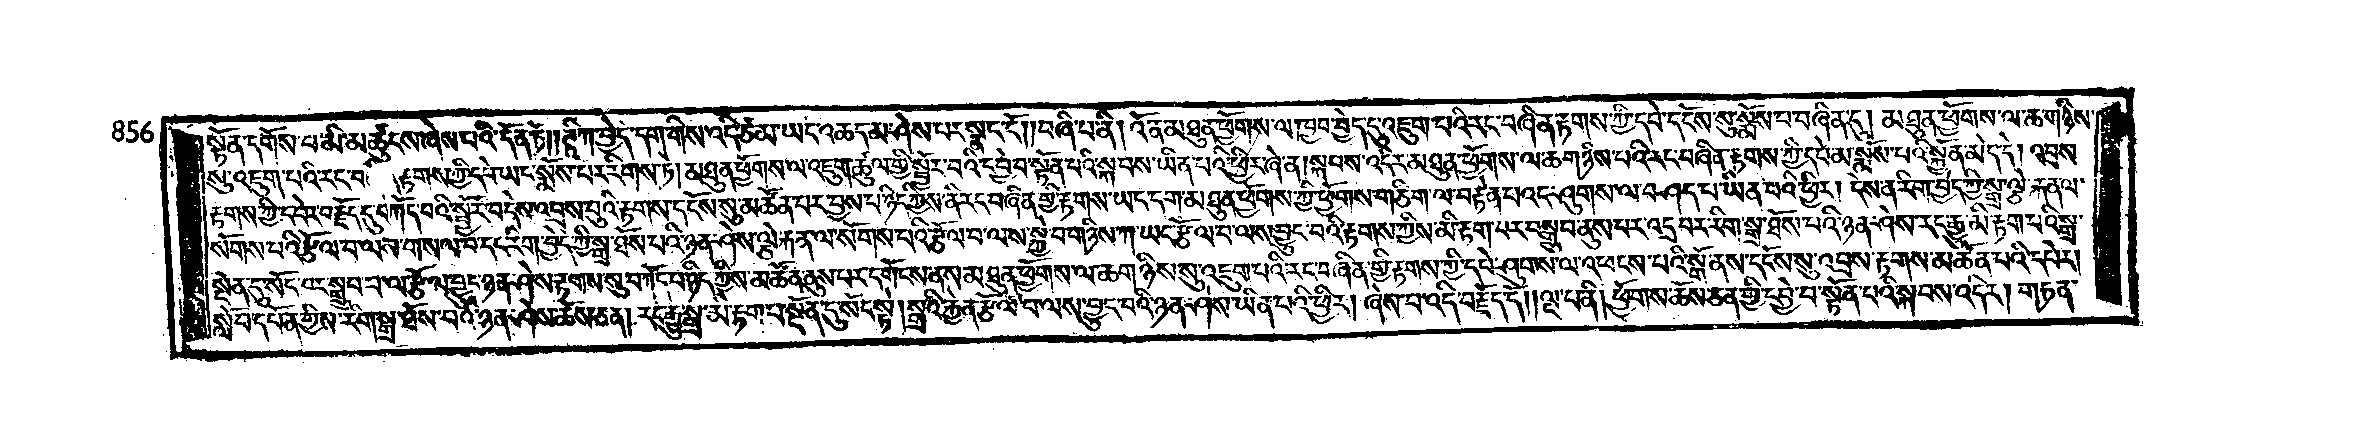སྟོན་དགོས་པ་མི་མཚུངས་ཞེས་པའི་དོན་ཏོ། །ཊྲཱིཀ་བྱེད་དག་གིས། འདི། ཙམ་ཡང་འཆད་མ་ཤེས་པར་སྣང་ངོ། །བཞི་པ་ནི། འོ་ན་མཐུན་ཕྱོགས་ལ་ཁྱབ་བྱེད་དུ་འཇུག་པའི་རང་བཞིན་རྟགས་ཀྱི་དཔེ་དངོས་སུ་སྨོས་པ་བཞིན་དུ། མཐུན་ཕྱོགས་ལ་ཆ་གཉིས་
སུ་འཇུག་པའི་རང་བཞིན་རྟགས་ཀྱི་དཔེ་ཡང་སྨོས་པར་རིགས་ཏེ། མཐུན་ཕྱོགས་ལ་འཇུག་ཚུལ་གྱི་སྦྱོར་བའི་དབྱེ་བ་སྟོན་པའི་སྐབས་ཡིན་པའི་ཕྱིར་ཞེ་ན། སྐབས་འདིར་མཐུན་ཕྱོགས་ལ་ཆ་གཉིས་པའི་རང་བཞིན་རྟགས་ཀྱི་དཔེ་མ་སྨོས་པའི་སྐྱོན་མེད་དེ། འབྲས་
རྟགས་ཀྱི་དཔེར་བརྗོད་དུ་བཀོད་པའི་སྦྱོར་བ་དེས་འབྲས་བུའི་རྟགས་དངོས་སུམ་མཚོན་པར་བྱས་པ་ཉིད་ཀྱིས་ནི་རང་བཞིན་གྱི་རྟགས་ཡང་དག་མཐུན་ཕྱོགས་ཀྱི་ཕྱོགས་གཅིག་ལ་བརྟེན་པའང་ཤུགས་ལ་བཤད་པ་ཡིན་པའི་ཕྱིར། དེས་ན་རིག་བྱེད་ཀྱི་སྒྲ་ལྕེ་རྐན་ལ་
སོགས་པའི་རྩོལ་བ་ལས་གསལ་བ་དང་རིག་བྱེད་ཀྱི་སྒྲ་ཐོས་པའི་ཉན་ཤེས་ལྕེ་རྐན་ལ་སོགས་པའི་རྩོལ་བ་ལས་སྐྱེ་བ་གཉིས་ཀ་ཡང་རྩོལ་བ་ལས་བྱུང་བའི་རྟགས་ཀྱིས་མི་རྟག་པར་བསྒྲུབ་ནུས་པར་འདྲ་བར་རིག་སྒྲ་ཐོས་པའི་ཉན་ཤེས་རང་རྒྱུ་མི་རྟག་པའི་སྒྲ་
སྔོན་དུ་སོང་བར་སྒྲུབ་པ་ལ་རྩོལ་བྱུང་བྱན་ཤེས་རྟགས་སུ་བཀོད་པ་ཉིད་ཀྱིས་མཚོན་ནུས་པར་དགོངས་ནས་མཐུན་ཕྱོགས་ལ་ཆ་གཉིས་སུ་འཇུག་པའི་རང་བཞིན་གྱི་རྟགས་ཀྱི་དཔེ་ཤུགས་ལ་འཕངས་པའི་སྒོ་ནས་དངོས་སུ་འབྲས་རྟགས་མཚོན་པའི་དཔེར།
སློབ་དཔོན་གྱིས་རིག་སྒྲ་ཐོས་པའི་ཉན་ཤེས་ཆོས་ཅན། རང་རྒྱུ་སྒྲ་མི་རྟག་པ་སྔོན་དུ་སོང་སྟེ། སྒྲའི་རྐྱེན་རྩོལ་བ་ལས་བྱུང་བའི་ཉན་ཤེས་ཡིན་པའི་ཕྱིར། ཞེས་པ་འདི་བརྗོད་དོ། །ལྔ་པ་ནི། ཕྱོགས་ཆོས་ཅན་གྱི་དབྱེ་བ་སྟོན་པའི་སྐབས་འདིར། གཏན་